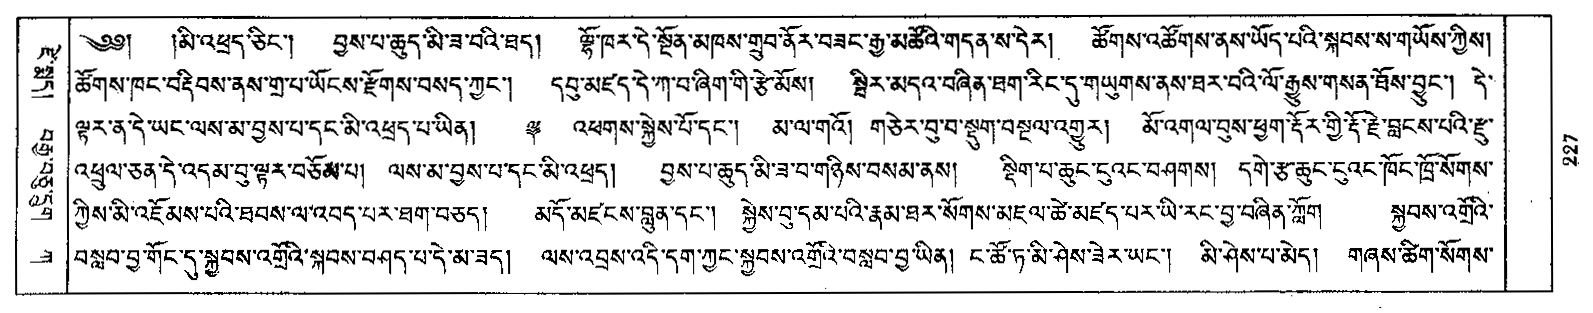༄༅། །མི་འཕྲད་ཅིང་། བྱས་པ་ཆུད་མི་ཟ་བའི་ཐད། ལྷོ་ཁར་དེ་སྔོན་མཁས་གྲུབ་ནོར་བཟང་རྒྱ་མཚོའི་གདན་ས་དེར། ཚོགས་འཚོགས་ནས་ཡོད་པའི་སྐབས་ས་གཡོས་ཀྱིས།
ཚོགས་ཁང་བརྡིབས་ནས་གྲ་པ་ཡོངས་རྫོགས་བསད་ཀྱང་། དབུ་མཛད་དེ་ཀ་བ་ཞིག་གི་རྩེ་མོས། སྦིར་མདའ་བཞིན་ཐག་རིང་དུ་གཡུགས་ནས་ཐར་བའི་ལོ་རྒྱུས་གསན་ཐོས་བྱུང་། དེ་
ལྟར་ན་དེ་ཡང་ལས་མ་བྱས་པ་དང་མི་འཕྲད་པ་ཡིན། ༈ འཕགས་སྐྱེས་པོ་དང་། མ་ལ་གའོ། གཅེར་བུ་བ་སྡུག་བསྔལ་འགྱུར། མོ་འགལ་བུས་ཕྱག་རྡོར་གྱི་རྡོ་རྗེ་བླངས་པའི་རྫུ་
འཕྲུལ་ཅན་དེ་འདམ་བུ་ལྟར་བཅོམ་པ། ལས་མ་བྱས་པ་དང་མི་འཕྲད། བྱས་པ་ཆུད་མི་ཟ་བ་གཉིས་བསམ་ནས། སྡིག་པ་ཆུང་ངུའང་བཤགས། དགེ་རྩ་ཆུང་ངུའང་ཁོང་ཁྲོ་སོགས་
ཀྱིས་མི་འཇོམས་པའི་ཐབས་ལ་འབད་པར་ཐག་བཅད། མདོ་མཛངས་བླུན་དང་། སྐྱེས་བུ་དམ་པའི་རྣམ་ཐར་སོགས་མཇལ་ཚེ་མཛད་པར་ཡི་རང་བྱ་བཞིན་ཀློག་སྐྱབས་འགྲོའི་
བསླབ་བྱ་གོང་དུ་སྐྱབས་འགྲོའི་སྐབས་བཤད་པ་དེ་མ་ཟད། ལས་འབྲས་འདི་དག་ཀྱང་སྐྱབས་འགྲོའི་བསླབ་བྱ་ཡིན། ང་ཚོ་ཏ་མི་ཤེས་ཟེར་ཡང་། མི་ཤེས་པ་མེད། གཞས་ཚིག་སོགས་